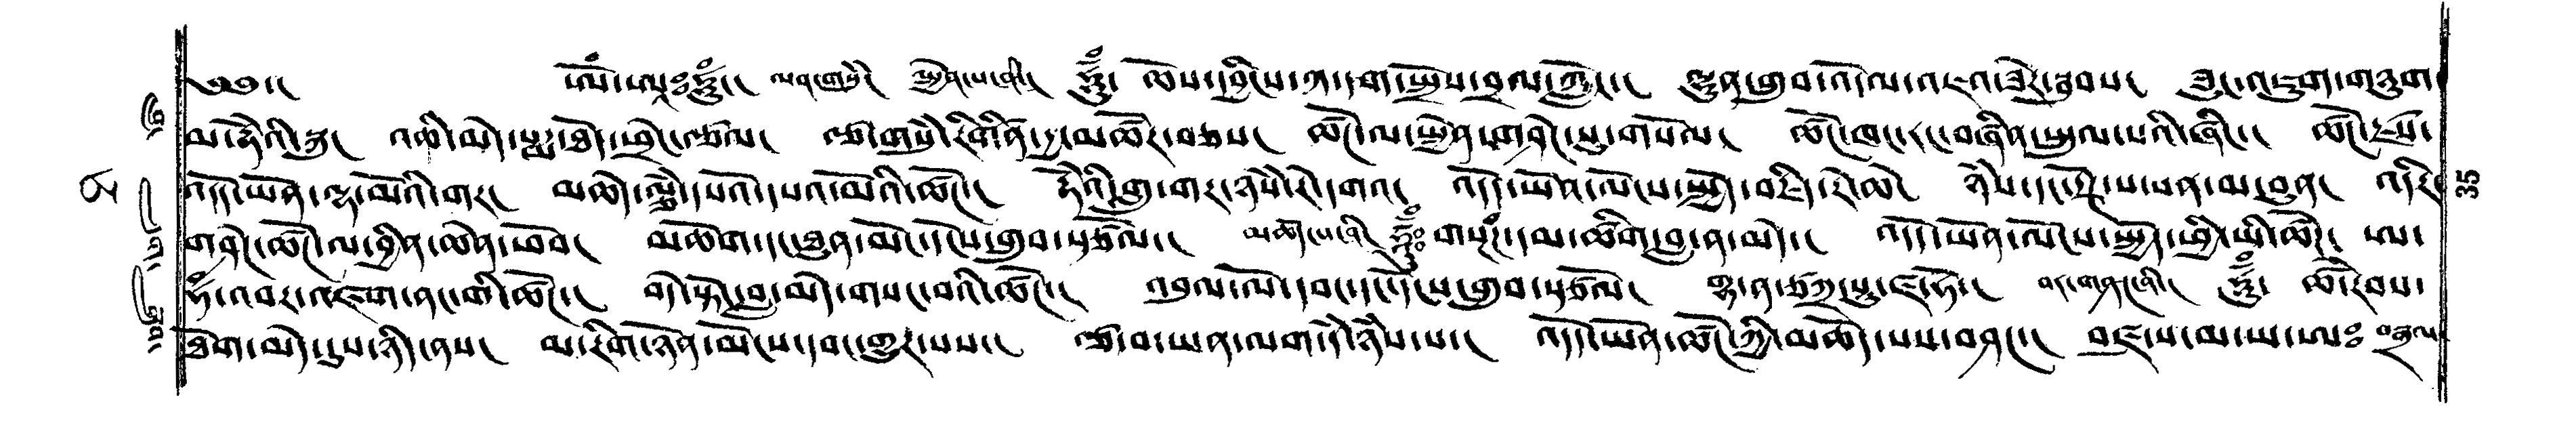ཨོཾ་ཨཱཿཧཱུྃ། ལན་གསུམ། སྤྱན་འདྲེན་པ་ནི། ཧཱུྃ། ཆོས་དབྱིངས་ཀ་དག་སྤྲོས་བྲལ་ཀློང་། །ལྷུན་གྲུབ་འོད་གསལ་འཇའ་ཟེར་སྦུབས། །ཟུང་འཇུག་གཉུག་
མ་རྡོ་རྗེའི་སྐུ། །འཆི་མེད་པདྨ་ཐོད་ཕྲེང་རྩལ། །རྩ་གསུམ་རིག་འཛིན་རྒྱ་མཚོར་བཅས། །ཚོགས་ལ་སྤྱན་འདྲེན་གཤེགས་སུ་གསོལ། །ཚོགས་ཁང་རང་བཞིན་སྤྲུལ་པའི་ཞིང་། །ཚོགས་རྫས་
འདོད་ཡོན་ལྷ་མོའི་གར། །མཆེད་ལྕམ་དཔའ་བོ་དཔའ་མོའི་ཚོགས། །རྡོ་རྗེའི་གླུ་གར་ཉམས་རེ་དགའ། །འདོད་ཡོན་ལོངས་སྤྱོད་བརྗིད་རེ་ཆེ། །ཉམས་དང་རྟོགས་པ་བན་མ་བུན། །འདིར་
གཤེགས་ཚོགས་ལ་བྱིན་ཆེན་ཕོབ། །མཆོག་དང་ཐུན་མོང་དངོས་གྲུབ་སྩོལ། མཆོད་པ་ནྀ། ཧཱུྃ། གསང་སྔགས་དམ་ཚིག་བླ་ན་མེད། །འདོད་ཡོན་ལོངས་སྤྱོད་ཕྱི་ཡི་ཚོགས། །ཨ་
ཧཾ་འབར་འཛག་ནང་གི་ཚོགས། །བདེ་སྟོང་བླ་མེད་གསང་བའི་ཚོགས། །འབུལ་ལོ་དབང་དང་དངོས་གྲུབ་སྩོལ། གྷཱ་ན་ཙཀྲ་པཱུ་ཛ་ཧོཿ བར་གཤགས་ནི། ཧཱུྃ། ཚེ་རབས་
ཐོག་མེད་དུས་ཉིད་ནས། །མ་རིག་ཉོན་མོངས་དབང་གྱུར་པས། །རྩ་བ་ཡན་ལག་དམ་ཉམས་པ། །འདོད་ཡོན་ཚོགས་ཀྱི་མཆོད་པས་བཤགས། །བཛྲ་ས་མ་ཡ་ཨཱཿ བསྒྲལ་